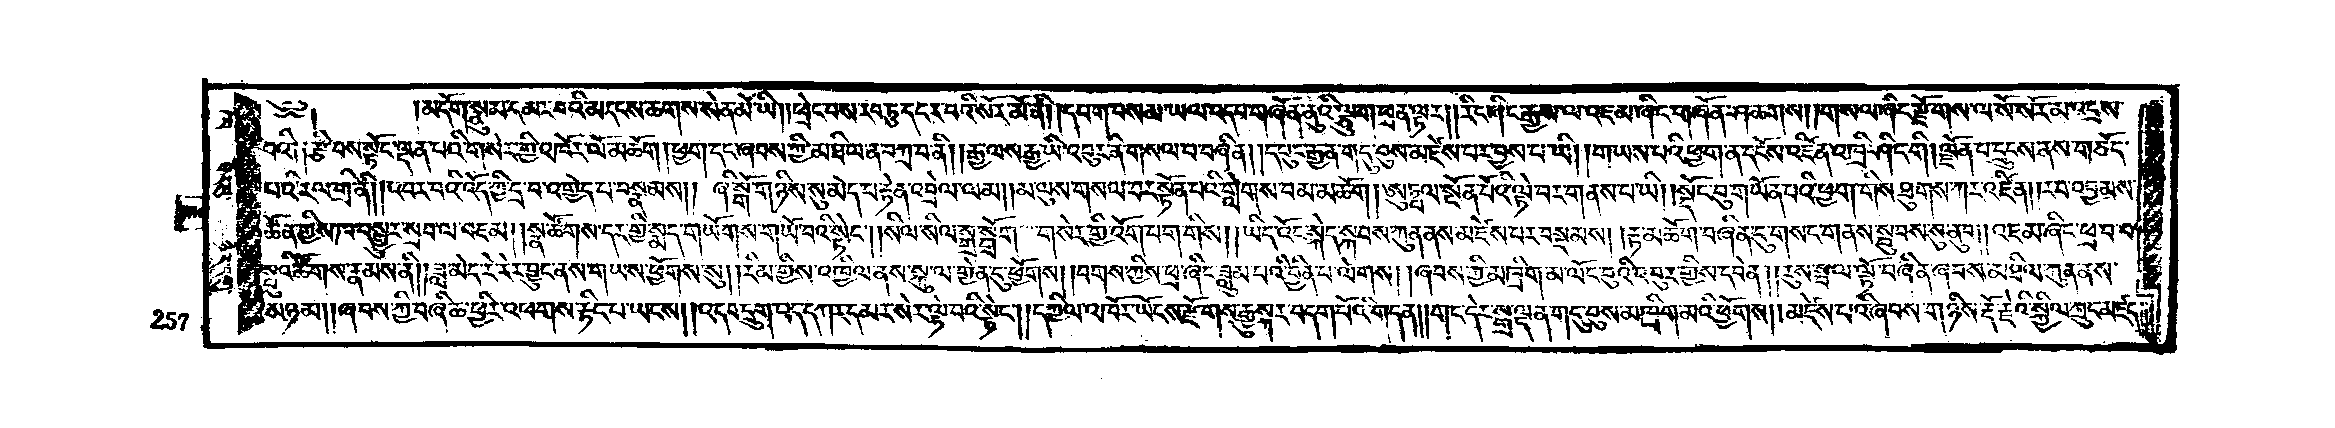༄༅། །མདོག་སྣུམ་དམར་བའི་མདངས་ཆགས་སེན་མོ་ཡི། །ཕྲེང་བས་རབ་ཏུ་དངར་བའི་སོར་མོ་ནི། །དཔག་བསམ་ཡལ་འདབ་གཞོན་ནུའི་ལྕུག་ཕྲན་ལྟར། །རིང་ཞིང་རྒྱས་ལ་འཇམ་ཞིང་གཞོན་ཤ་ཆགས། །གསལ་ཞིང་རྫོགས་ལ་སོ་སོར་མ་འདྲེས་
བའི༑ ༑རྩིབས་སྟོང་ལྡན་པའི་གསེར་གྱི་འཁོར་ལོ་མཆོག །ཕྱག་དང་ཞབས་ཀྱི་མཐིལ་ན་བཀྲ་བ་ནི། །རྒྱ་ལས་རྒྱ་ཡི་འབུར་ནི་གསལ་བ་བཞིན། །དཔུང་རྒྱན་གདུ་བུས་མཛེས་པར་བྱས་པ་ཡི། །གཡས་པའི་ཕྱག་ན་དངོས་འཛིན་འཁྲི་ཤིང་གི །ལྗོན་པ་དྲུངས་ནས་གཅོད་
པའི་རལ་གྲི་ནི། །འབར་བའི་འོད་ཀྱི་དྲ་བ་འགྱེད་པ་བསྣམས། ཞི་སྒོ་གཉིས་སུ་མེད་པ་རྟེན་འབྲེལ་ལམ། །མ་ལུས་གསལ་བར་སྟོན་པའི་གླེགས་བམ་མཆོག །ཨུཏྤ་ལ་སྔོན་པོའི་ལྟེ་བར་གནས་པ་ཡི། །སྡོང་བུ་གཡོན་པའི་ཕྱག་གིས་ཐུགས་ཀར་འཛིན། །རབ་འབྱམས་
ཚོན་གྱིས་ཁ་བསྒྱུར་སྲབ་ལ་འཇམ། །སྣ་ཚོགས་དར་གྱི་སྨད་གཡོགས་གཡོ་བའི་སྟེང་། །སིལ་སིལ་སྒྲ་སྒྲོག་གསེར་གྱི་འོག་པག་གིས། །ཡིད་འོང་སྐེད་སྐབས་ཀུན་ནས་མཛེས་པར་བསྡམས། །རྟ་མཆོག་བཞིན་དུ་གསང་གནས་སྦུབས་སུ་ནུབ། །འཇམ་ཞིང་ཕྲ་བ་པ་
སྤུའི་ཚོགས་རྣམས་ནི། །ཟླ་མེད་རེ་རེར་བྱུང་ནས་གཡས་ཕྱོགས་སུ། །རིམ་གྱིས་འཁྱིལ་ནས་སྐུ་ལ་གྱེན་དུ་ཕྱོགས། །བགས་ཀྱིས་ཕྲ་ཞིང་ཟླུམ་པའི་བྱིན་པ་ལེགས། །ཞབས་ཀྱི་མཁྲིག་མ་ལོང་བུའི་འབུར་གྱིས་དབེན། །རུས་སྦལ་ལྟོ་བཞིན་ཞབས་མཐིལ་ཀུན་ནས་
མཉམ། །ཞབས་ཀྱི་བཞི་ཆ་ཕྱིར་འཕགས་རྟིང་པ་ཡངས། །འདབ་དྲུག་པད་དཀར་དམར་སེར་ལྟེ་བའི་སྟེང་། །དཀྱིལ་འཁོར་ཡོངས་རྫོགས་རྒྱུ་སྐར་བདག་པོའི་གདན། །གང་དེར་སྒྲ་ལྡན་གདུ་བུས་མཁྲིག་མའི་ཕྱོགས། །མཛེས་པའི་ཞབས་གཉིས་རྡོ་རྗེའི་སྐྱིལ་ཀྲུང་མཛད།།